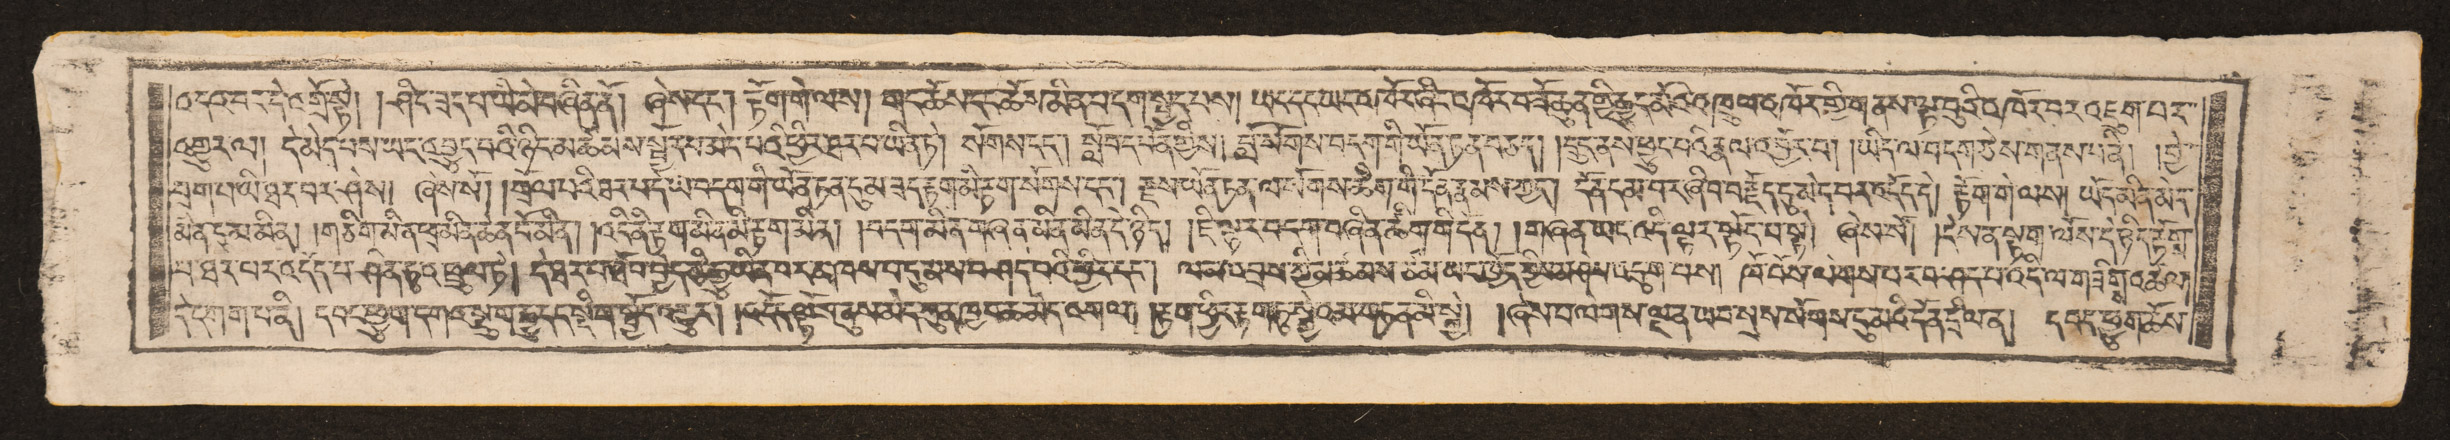འདའ་བར་དེ་འགྲོ་སྟེ། །ཤིང་ཟད་པ་ཡི་མེ་བཞིན་ནོ། ཞེས་དང་། རྟོག་གེ་ལས། གང་ཆོས་དང་ཆོས་མིན་བདག་སྤྱད་པས། ཡང་དང་ཡང་འཁོར་ཞིང་འཁོར་བ་ཟོ་ཆུན་གྱི་རྒྱུད་མོའི་འཁྲུལ་འཁོར་གྱི་གནས་ལྟ་བུའི་འཁོར་བར་འཇུག་པར་
འགྱུར་ལ། དེ་མེད་པས་ཡང་འབྱུང་བའི་ཉིད་མཚམས་སྦྱོར་བ་མེད་པའི་ཕྱིར་ཐར་བ་ཡིན་ཏེ། སོགས་དང་། སློབ་དཔོན་གྱིས། བློ་སོགས་བདག་གི་ཡོན་ཏན་བཅད། །དྲུང་ནས་ཕྱུང་བའི་རྣལ་འབྱོར་བ། །ཡིད་ལ་བདག་ཅེས་གནས་པ་ནི། །བྱེ་
བྲག་པ་ཡི་ཐར་བར་ཤེས། ཞེས་སོ། །གྲོལ་བའི་ཐར་པ་དེ་ཡི་བདག་གི་ཡོན་ཏན་དུ་མ་ཟད་རྟག་མི་རྟག་སོགས་དང་། རྫས་ཡོན་ཏན་ལ་སོགས་ཚིག་གི་དོན་རྣམས་ཀྱང་། དོན་དམ་པར་ཞིབ་བརྗོད་དུ་མེད་པར་འདོད་དེ། རྟོག་གེ་ལས་ཡོད་མིན་མེད་
མིན་དུ་མ་མིན། །གཅིག་མི་རྡ་ཕྲ་མིན་ཆེན་པོ་མིན། །འདི་ནི་རྟག་མིན་མི་རྟག་མིན། །བདག་མིན་གཞན་མིན་མིན་དེ་ཉིད། །ཇི་ལྟར་བདག་བཞིན་ཚིག་གི་དོན། །གཞན་ཡང་འདི་ལྟར་སྟོད་པ་སྟེ། ཞེས་སོ། །དེས་ན་སྟག་ལོས་དེ་ཉིད་རྟོགས་
པ་ཐར་པར་འདོད་པ་ཤིན་ཏུ་འཕྲུལ་ཏེ། དེ་ཐར་པ་ཐོབ་བྱེད་ཀྱི་རྒྱུ་ཡིན་པར་མཁས་པ་དུ་མས་བཤད་པའི་ཕྱིར་དང་། ལམ་འབྲས་ཀྱི་མཚམས་ཙམ་ཡང་ཁྱོད་ཀྱིས་མ་ཤེས་འདུག་པས། ཁོ་བོས་ལེགས་པར་བཤད་པ་འདི་ལ་གཟིགས་འཚེལ།
དེ་དགག་པ་ནི། དབང་ཕྱུག་དགའ་སྡུག་རྒྱུ་དང་སྡིག་སྦྱོད་འགྱུར། །འདོད་ལྟོས་ནུས་མེད་ཀུན་ཁྱབ་ཆ་མེད་འགལ་།རྟག་ཕྱིར་རྟག་ཏུ་སྐྱེ་འམ་གཏན་མི་སྐྱེ། །ཞེས་པ་ལེགས་ལྡན་ཡབ་སྲས་སོགས་དུ་མའི་དོན་དྲིལ་ན། དབང་ཕྱུག་ཆོས་